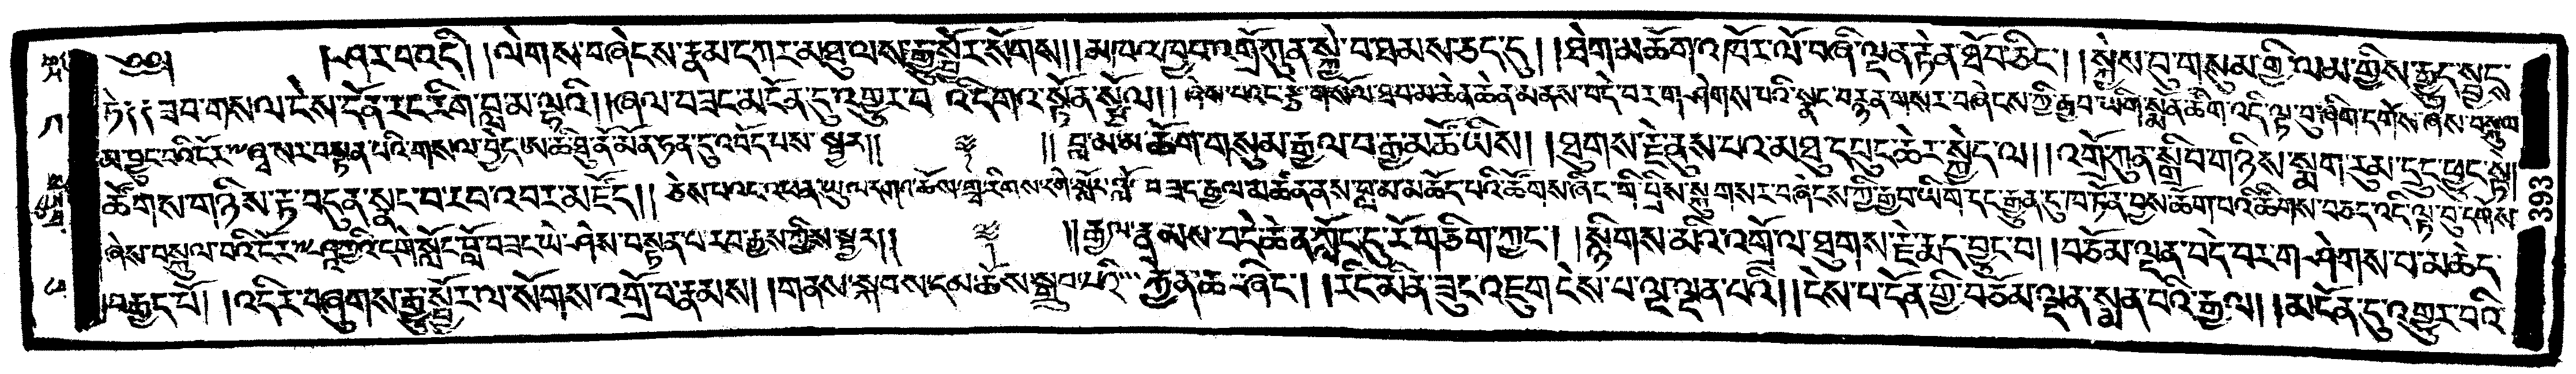༄༅། །ཤར་བ་འདི། །ལེགས་བཞེངས་རྣམ་དཀར་མཐུ་ལས་རྒྱུ་སྦྱོར་སོགས། །མཁའ་ཁྱབ་འགྲོ་ཀུན་སྐྱེ་བ་ཐམས་ཅད་དུ། །ཐེག་མཆོག་འཁོར་ལོ་བཞི་ལྡན་རྟེན་ཐོབ་ཅིང་། །སྐྱེས་བུ་གསུམ་གྱི་ལམ་གྱིས་རྒྱུད་སྦྱངས་
ཏེ། །ཟབ་གསལ་ངེས་དོན་རང་རིག་བླ་མ་ལྷའི། །ཞལ་བཟང་མངོན་དུ་འགྱུར་བའི་དགའ་སྟོན་སྩོལ། །ཞེས་པའང་རྩེ་གསོལ་ཐབ་མ་ཆེན་ཆེན་མོ་ནས་བདེ་བར་གཤེགས་པའི་སྣང་བརྙན་གསར་བཞེངས་ཀྱི་རྒྱབ་ཡིག་སྨོན་ཚིག་འདི་ལྟ་བུ་ཞིག་དགོས་ཞེས་བསྐུལ་
མ་བྱུང་བའི་ངོར ༧་ཞྭ་སེར་བསྟན་པའི་གསལ་བྱེད་ཨ་ཆི་ཐུ་ནོ་མོན་ཧན་དུ་འབོད་པས་སྦྱར།། ༈ །།བླ་མ་མཆོག་གསུམ་རྒྱལ་བ་རྒྱ་མཚོ་ཡིས། །ཐུགས་རྗེ་ནུས་པའི་མཐུ་དཔུང་ཆེར་སྐྱེད་ལ། །འགྲོ་ཀུན་སྒྲིབ་གཉིས་སྨག་རུམ་དྲུང་ཕྱུང་སྟེ།
ཚོགས་གཉིས་རྟ་བདུན་སྣང་བ་རབ་འབར་མཛོད། །ཅེས་པའང་འཕན་ཡུལ་དགའ་ཆོས་གྲྭ་རིགས་དགེ་སློང་བློ་བཟང་རྒྱལ་མཚན་ནས་བླ་མ་མཆོད་པའི་ཚོགས་ཞིང་གི་བྲིས་སྐུ་གསར་བཞེངས་ཀྱི་རྒྱབ་ཡིག་དང་རྒྱུན་དུ་ཁ་ཏོན་བྱས་ཆོག་པའི་ཚིགས་བཅད་འདི་ལྟ་བུ་དགོས་
ཞེས་བསྐུལ་བའི་ངོར ༧་ཤཱཀྱའི་དགེ་སློང་བློ་བཟང་ཡེ་ཤེས་བསྟན་པ་རབ་རྒྱས་ཀྱིས་སྦྱར།། ༈ །།རྒྱལ་རྣམས་བདེ་ཆེན་ཀློང་དུ་རོ་གཅིག་ཀྱང་། །སྙིགས་མའི་འགྲོ་ལ་ཐུགས་རྗེ་རྨད་བྱུང་བ། །བཅོམ་ལྡན་བདེ་བར་གཤེགས་པ་མཆེད་
བརྒྱད་པོ། །འདིར་བཞུགས་རྒྱུ་སྦྱོར་ལ་སོགས་འགྲོ་བ་རྣམས། །གནས་སྐབས་དམ་ཆོས་སྒྲུབ་པའི་རྐྱེན་ཆ་ཞིང་། །རིང་མིན་ཟུང་འཇུག་ངེས་པ་ལྔ་ལྡན་པའི། །ངེས་པ་དོན་གྱི་བཅོམ་ལྡན་སྨན་པའི་རྒྱལ། །མངོན་དུ་འགྱུར་བའི་